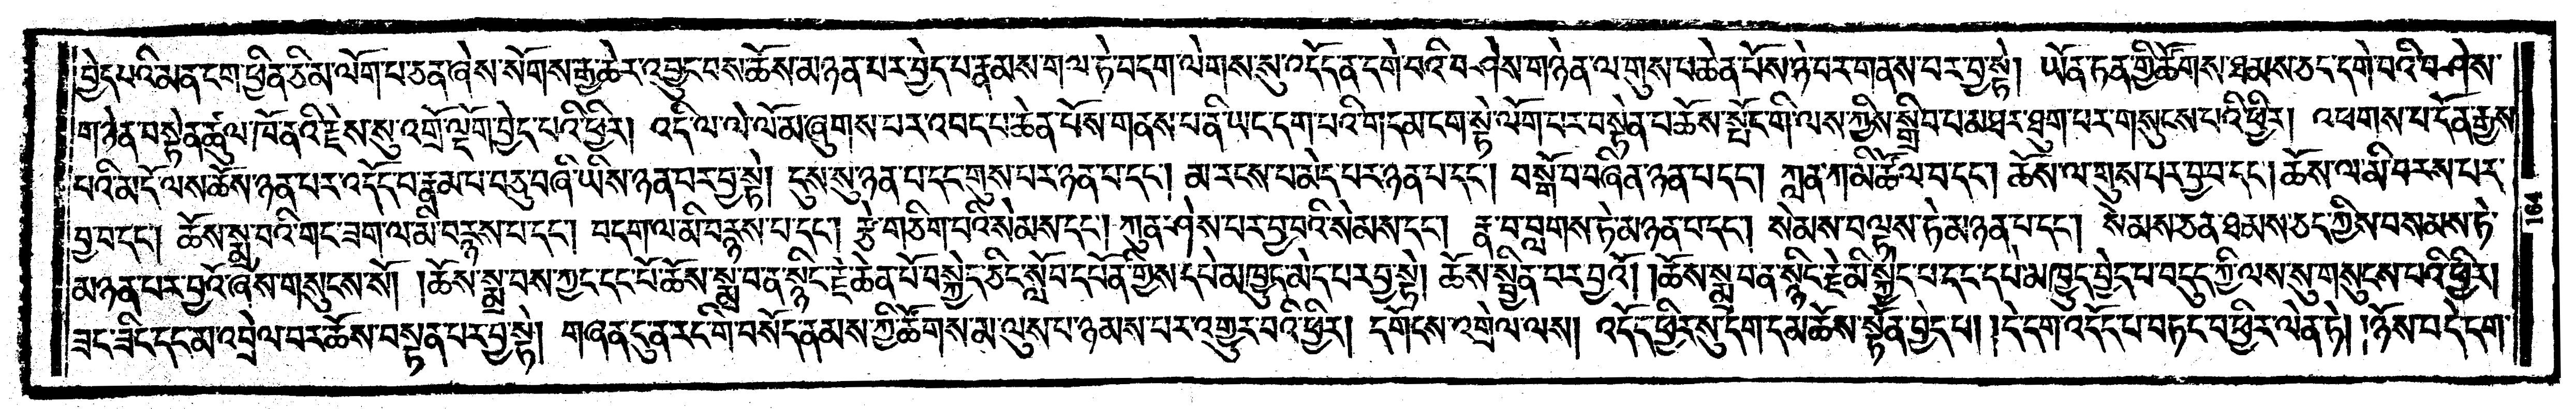བྱེད་པའི་མན་ངག་ཕྱིན་ཅི་མ་ལོག་པ་ཅན་ཞེས་སོགས་རྒྱ་ཆེར་འབྱུང་བས་ཆོས་མཉན་པར་བྱེད་པ་རྣམས་གལ་ཏེ་བདག་ལེགས་སུ་འདོད་ན་དགེ་བའི་བཤེས་གཉེན་ལ་གུས་པ་ཆེན་པོས་ཉེ་བར་གནས་པར་བྱ་སྟེ། ཡོན་ཏན་གྱི་ཚོགས་ཐམས་ཅད་དགེ་བའི་བཤེས་
གཉེན་བསྟེན་ཚུལ་ཁོ་ནའི་རྗེས་སུ་འགྲོ་ལྡོག་བྱེད་པའི་ཕྱིར། འདི་ལ་ལེ་ལོ་མ་ཞུགས་པར་འབད་པ་ཆེན་པོས་གནས་པ་ནི་ཡང་དག་པའི་གདམ་ངག་སྟེ་ལོག་པར་བསྟེན་པ་ཆོས་སྤོང་གི་ལས་ཀྱིས་སྒྲིབ་པ་མཐར་ཐུག་པར་གསུངས་པའི་ཕྱིར། འཕགས་པ་དོན་རྒྱས་
པའི་མདོ་ལས་ཆོས་ཉན་པར་འདོད་པ་རྣམ་པ་བཅུ་བཞི་ཡིས་ཉན་པར་བྱ་སྟེ། དུས་སུ་ཉན་པ་དང་གུས་པར་ཉན་པ་དང་། མ་རངས་པ་མེད་པར་ཉན་པ་དང་། བསྒོ་བ་བཞིན་ཉན་པ་དང་། ཀླན་ཀ་མི་ཚོལ་བ་དང་། ཆོས་ལ་གུས་པར་བྱ་བ་དང་། ཆོས་ལ་མི་བརྙས་པར་
བྱ་བ་དང་། ཆོས་སྨྲ་བའི་གང་ཟག་ལ་མི་བརྙས་པ་དང་། བདག་ལ་མི་བརྙས་པ་དང་། རྩེ་གཅིག་པའི་སེམས་དང་། ཀུན་ཤེས་པར་བྱ་བའི་སེམས་དང་། རྣ་བ་བླགས་ཏེ་མཉན་པ་དང་། སེམས་བལྟས་ཏེ་མཉན་པ་དང་། སེམས་ཅན་ཐམས་ཅད་ཀྱིས་བསམས་ཏེ་
མཉན་པར་བྱའོ་ཞེས་གསུངས་སོ། །ཆོས་སྨྲ་བས་ཀྱང་དང་པོ་ཆོས་སྨྲ་བ་ན་སྙིང་རྗེ་ཆེན་པོ་བསྐྱེད་ཅིང་སློབ་དཔོན་གྱིས་དཔེ་མཁྱུད་མེད་པར་བྱ་སྟེ། ཆོས་སྦྱིན་པར་བྱའོ། །ཆོས་སྨྲ་བ་ན་སྙིང་རྗེ་མི་སྐྱེད་པ་དང་དཔེ་མཁྱུད་བྱེད་པ་བདུད་ཀྱི་ལས་སུ་གསུངས་པའི་ཕྱིར།
ཟང་ཟིང་དང་མ་འབྲེལ་བར་ཆོས་བསྟན་པར་བྱ་སྟེ། གཞན་དུ་ན་རང་གི་བསོད་ནམས་ཀྱི་ཚོགས་མ་ལུས་པ་ཉམས་པར་འགྱུར་བའི་ཕྱིར། དགོངས་འགྲེལ་ལས། འདོད་ཕྱིར་སུ་དག་དམ་ཆོས་སྟོན་བྱེད་པ། །དེ་དག་འདོད་པ་བཏང་བ་ཕྱིར་ལེན་ཏེ། །ཉོས་པ་དེ་དག་